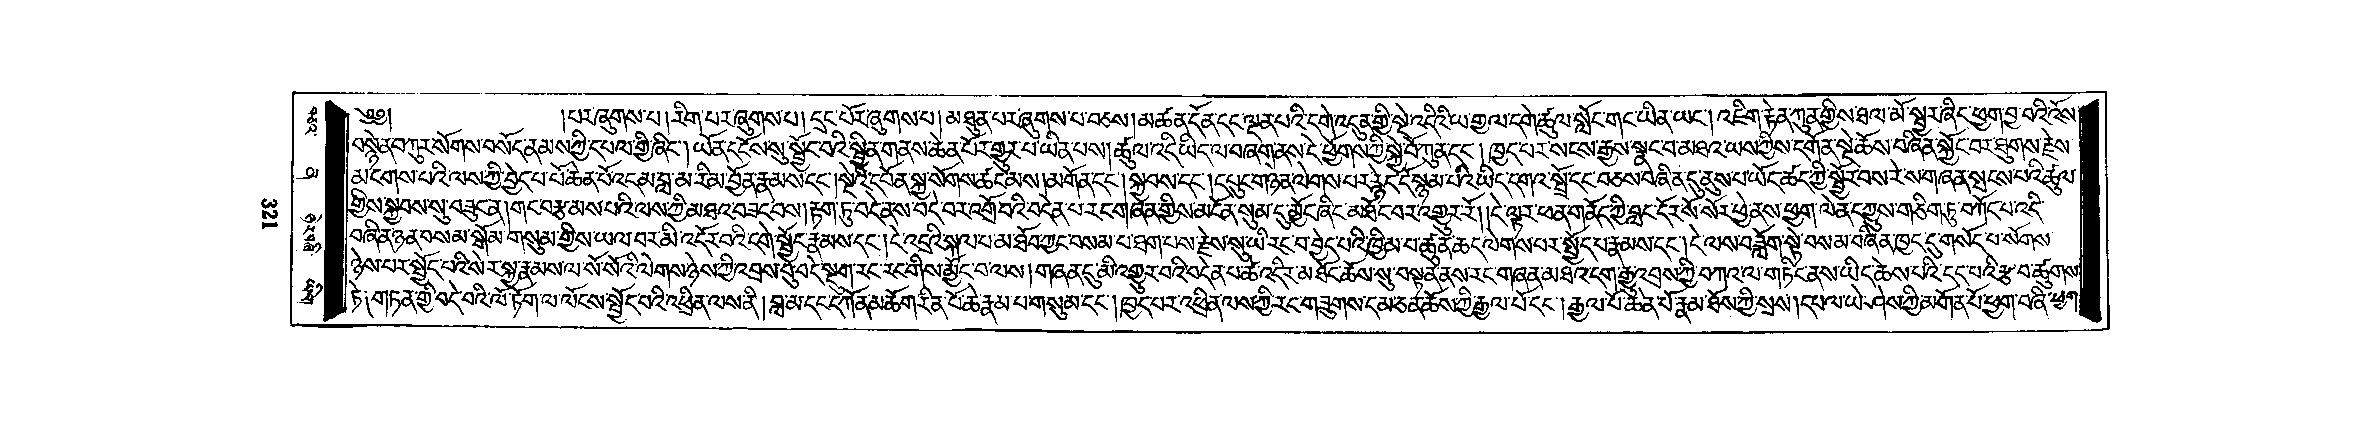༄༅། །པར་ཞུགས་པ། རིག་པར་ཞུགས་པ། དྲང་པོར་ཞུགས་པ། མཐུན་པར་ཞུགས་པ་བཅས། མཚན་དོན་དང་ལྡན་པའི་དགེ་འདུན་གྱི་སྡེ་འདིའི་ཡ་གྱལ་དགེ་ཚུལ་སློང་གང་ཡིན་ཡང་། འཇིག་རྟེན་ཀུན་གྱིས་ཐལ་མོ་སྦྱར་ཞིང་ཕྱག་བྱ་བའི་འོས་
བསྙེན་བཀུར་སོགས་བསོད་ནམས་ཀྱི་དཔལ་གྱི་ཞིང་། ཡོན་དངོས་སུ་སྦྱོང་བའི་སྦྱིན་གནས་ཆེན་པོར་གྱུར་པ་ཡིན་པས། ཚུལ་འདི་ཡིད་ལ་བཞག་ནས་དེ་ཕྱོགས་ཀྱི་སྐྱེ་བོ་ཀུན་དང་། ཁྱད་པར་སངས་རྒྱས་སྣང་བ་མཐའ་ཡས་ཀྱིས་དགོན་སྡེ་ཆོས་བཞིན་སྐྱོང་བར་ཐུགས་རྗེས་
མངགས་པའི་ལས་ཀྱི་བྱེད་པ་པོ་ཆེན་པོ་འདམ་བླ་མ་རིམ་བྱོན་རྣམས་དང་། སྡེའི་དཔོན་སྐྱ་སོགས་ཚང་མས། མགོན་དང་། སྐྱབས་དང་། དཔུང་གཉེན་ལེགས་པར་རྙེད་དོ་སྙམ་པའི་ཡིད་དགའ་སྤྲོ་དང་བཅས་བཞིན་དུ་ནུས་པ་ཡོད་ཚད་ཀྱི་སྦྱོར་བས་རེ་ས་གཞན་སྤངས་པའི་ཚུལ་
གྱིས་སྐྱབས་སུ་བཟུང་ན། གང་བརྩམས་པའི་ལས་ཀྱི་མཐའ་བཟང་བས། རྟག་ཏུ་བདེ་ནས་བདེ་བར་འགྲོ་བའི་བདེན་པ་རང་གཞན་གྱིས་མངོན་སུམ་དུ་མྱོང་ཞིང་མཐོང་བར་འགྱུར་རོ། །དེ་ལྟར་ཕན་གནོད་ཀྱི་བླང་དོར་སོ་སོར་ཕྱེ་ནས་ཕྱག་ལེན་དཀྱུས་གཅིག་ཏུ་བཀོད་པ་འདི་
བཞིན་ཉན་བསམ་སྒོམ་གསུམ་གྱིས་ཡལ་བར་མི་འདོར་བའི་དགེ་སྦྱོང་རྣམས་དང་། དེ་འདྲའི་སྐལ་པ་མ་ཐོབ་ཀྱང་བསམ་པ་ཐག་པས་རྗེས་སུ་ཡི་རང་བ་བྱེད་པའི་ཁྱིམ་པ་ཚུན་ཆད་ལེགས་པར་སྤྱོད་པ་རྣམས་དང་། དེ་ལས་བཟློག་སྟེ་བསམ་བཞིན་ཁྱད་དུ་གསོད་པ་སོགས་
ཉེས་པར་སྤྱོད་པའི་སེར་སྐྱ་རྣམས་ལ་སོ་སོའི་ལེགས་ཉེས་ཀྱི་འབྲས་བུ་བདེ་སྡུག་རང་རང་གིས་མྱོང་བ་ལས། གཞན་དུ་མི་འགྱུར་བའི་བདེན་པ་ཚེ་འདིར་མཐོང་ཆོས་སུ་བསྟན་ནས་རང་གཞན་མཐའ་དག་རྒྱུ་འབྲས་ཀྱི་བཀའ་ལ་གཏིང་ནས་ཡིད་ཆེས་པའི་དད་པའི་རྩ་བ་ཚུགས་
ཏེ། གཏན་གྱི་བདེ་བའི་ལོ་ཏོག་ལ་ལོངས་སྤྱོད་པའི་འཕྲིན་ལས་ནི། བླ་མ་དང་དཀོན་མཆོག་རིན་པོ་ཆེ་རྣམ་པ་གསུམ་དང་། ཁྱད་པར་འཕྲིན་ལས་ཀྱི་རང་གཟུགས་དམ་ཅན་ཆོས་ཀྱི་རྒྱལ་པོ་དང་། རྒྱལ་པོ་ཆེན་པོ་རྣམ་ཐོས་ཀྱི་སྲས། དཔལ་ཡེ་ཤེས་ཀྱི་མགོན་པོ་ཕྱག་བཞི་ཕྱག་